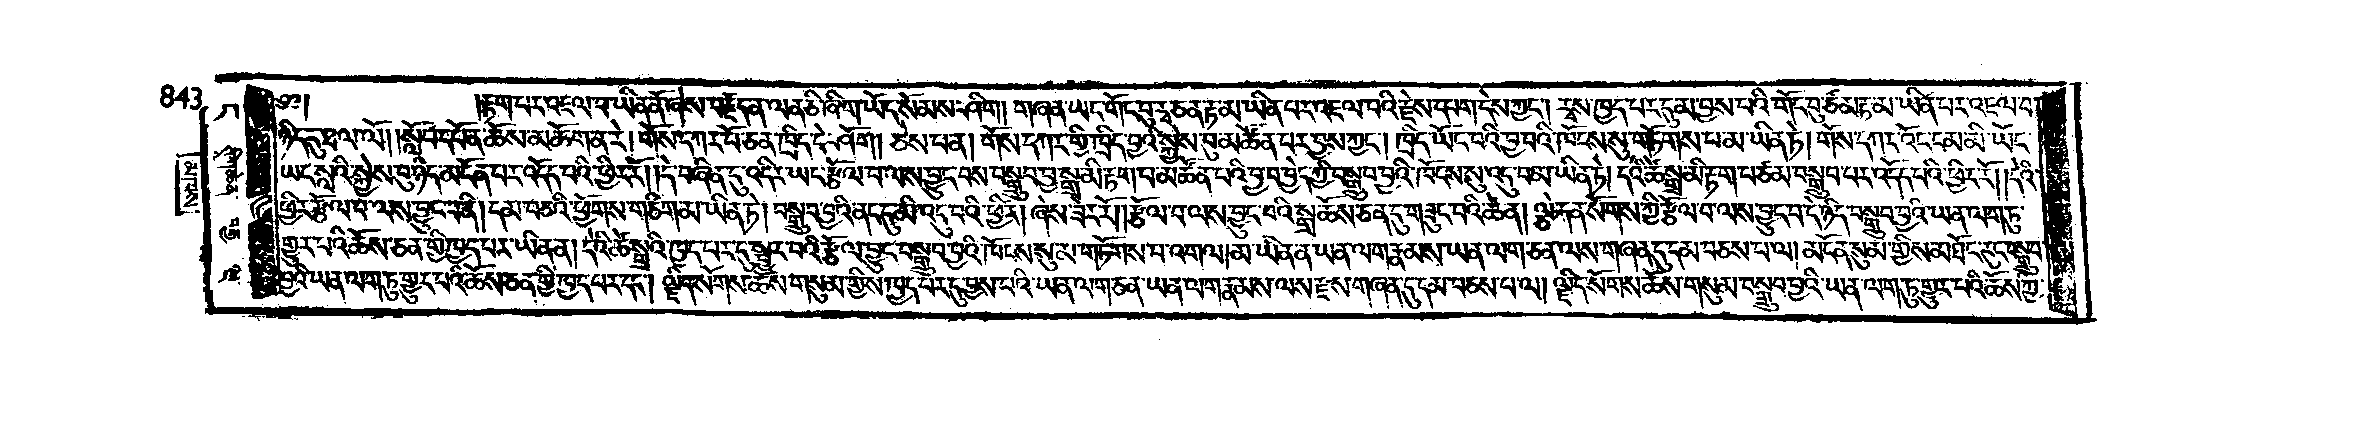༄༅། །རྟག་པར་འཇལ་བ་ཡིན་ནོ་ཞེས་བརྗོད་ན་ལན་ཅི་ཞིག་ཡོད་སོམས་ཤིག། གཞན་ཡང་གོང་བུ་རVཨ་ཅན་རྟ་མ་ཡིན་པར་འཇལ་བའི་རྗེས་དཔག་དེས་ཀྱང་། རVཨས་ཁྱད་པར་དུ་མ་བྱས་པའི་གོང་བུ་ཙམ་རྟ་མ་ཡིན་པར་འཇལ་བ་
ཉིད་དུ་ཐལ་ལོ། །སློབ་དཔོན་ཆོས་མཆོག་ན་རེ། གོས་དཀར་པོ་ཅན་ཁྲིད་དེ་ཤོག། ཅེས་པ་ན། གོས་དཀར་གྱི་ཁྲིད་བྱའི་སྐྱེས་བུ་མཚོན་པར་བྱས་ཀྱང་། ཁྲིད་ཡོང་བའི་བྱ་བའི་ཁོངས་སུ་གཏོགས་པ་མ་ཡིན་ཏེ། གོས་དཀར་འོང་ངམ་མི་ཡོང་
ཡང་སླའི་སྐྱེས་བུ་ཉིད་མངོན་པར་འདོད་པའི་ཕྱིར་རོ། །དེ་བཞིན་དུ་འདིར་ཡང་རྩོལ་བ་ལས་བྱུང་བས་བསྒྲུབ་བྱ་སྒྲ་མི་རྟག་པ་མཚོན་པའི་བྱ་བ་བྱེད་ཀྱི་བསྒྲུབ་བྱའི་ཁོངས་སུ་འདུ་བ་མ་ཡིན་ཏེ། དེའི་ཚེ་སྒྲ་མི་རྟག་པ་ཙམ་བསྒྲུབ་པར་འདོད་པའི་ཕྱིར་རོ། །དེའི་
ཕྱིར་རྩོལ་བ་ལས་བྱུང་བ་ནི། དམ་བཅའི་ཕྱོགས་གཅིག་མ་ཡིན་ཏེ། བསྒྲུབ་བྱའི་ནང་དུ་མི་འདུ་བའི་ཕྱིར། ཞེས་ཟེར་རོ། །རྩོལ་བ་ལས་བྱུང་བའི་སྒྲ་ཆོས་ཅན་དུ་གཟུང་བའི་ཚེ་ན། ལྕེ་རྐན་སོགས་ཀྱི་རྩོལ་བ་ལས་བྱུང་བ་དེ་ཉིད་བསྒྲུབ་བྱའི་ཡན་ལག་ཏུ་
གྱུར་བའི་ཆོས་ཅན་གྱི་ཁྱད་པར་ཡིན་ན། དེའི་ཚེ་སྒྲའི་ཁྱད་པར་དུ་སྦྱར་བའི་རྩོལ་བྱུང་བསྒྲུབ་བྱའི་ཁོངས་སུ་མ་གཏོགས་པར་འགལ། མ་ཡིན་ན་ཡན་ལག་རྣམས་ཡན་ལག་ཅན་ལས་གཞན་དུ་དམ་བཅའ་པ་ལ། མངོན་སུམ་གྱིས་མཐོང་རུང་བསྒྲུབ་
བྱའི་ཡན་ལག་ཏུ་གྱུར་པའི་ཆོས་ཅན་གྱི་ཁྱད་པར་དང་། ལྗིད་སོགས་ཆོས་གསུམ་གྱིས་ཁྱད་པར་དུ་བྱས་པའི་ཡན་ལག་ཅན་ཡན་ལག་རྣམས་ལས་རྫས་གཞན་དུ་དམ་བཅས་པ་ལ། ལྗིད་སོགས་ཆོས་གསུམ་བསྒྲུབ་བྱའི་ཡན་ལག་ཏུ་གྱུར་པའི་ཆོས་ཀྱི་